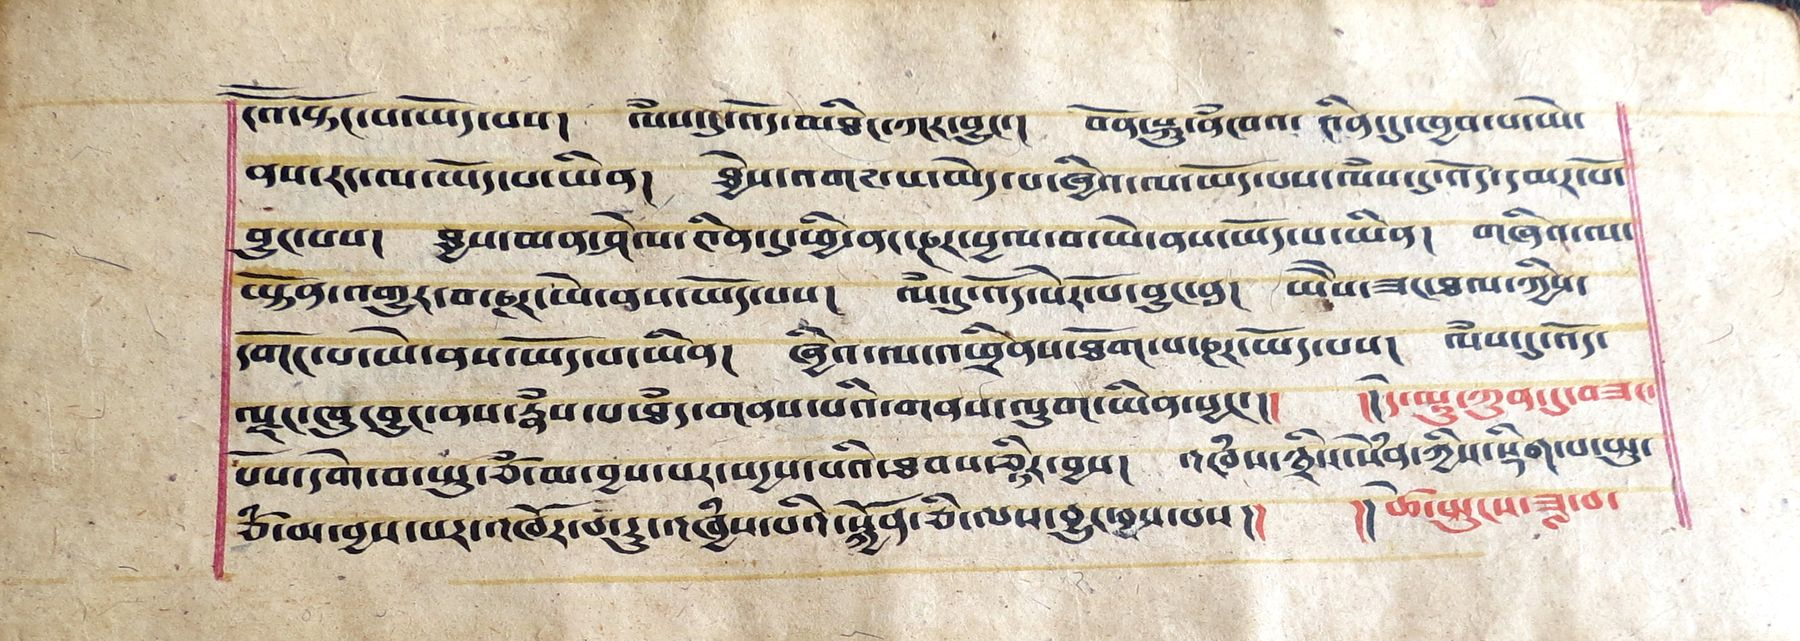ངོ་བོ་སྟོང་པ་ཡོད་པས། ལམ་དུ་འོད་མཐིང་ཁ་བྱུང་བས། བོན་སྐུ་ནམ་མཁའ་བཞིན་དུ་ཁྱབ་པས་ཡེ་
ནས་ཡོད་པ་ཡིན། ཐུགས་རྗེ་འགག་པ་མེད་པ་གཞི་ལ་ཡོད་པས། ལམ་དུ་འོད་དམར་པོ་
བྱུང་བས། ཐུགས་མེན་ཤེལ་བཞིན་ནམ་མཁའ་བཞིན་དུ་ཕྱི་ནང་མེད་པ་གསལ། ཡེ་ནས་ཡོད་པ་ཡིན་པས། གཞི་ལ་
ཡོན་ཏན་འགྱུར་བ་མེད་པ་ཡེ་ནས་ཡོད་པས། ལམ་དུ་འོད་སེར་པོ་བྱུང་ནས། ཡེ་ཤེས་ཟང་ཐལ་གྱི་
དགོངས་པ་ཡེ་ནས་ཡོད་པ་ཡིན། གཞི་ལ་ཕྲིན་ལས་ཐོགས་པ་མེད་པ་ཡེ་ནས་ཡོད་པ་ཡིན་པས། ལམ་དུ་འོད་
ལྗང་ཁུ་བྱུང་བས། རྣམ་པ་ཐམས་ཅད་གནས་པའི་ལུགས་ཡིན་གསུངས། དེ་ལྟར་ཀུན་ཏུ་བཟང་
པོས་དགེ་བ་སྤུ་ཙམ་མ་བྱས་པར་སངས་རྒྱས་པའི་ཐབས་ཅི་ལྟར་བྱས། ཁམས་གསུམ་གྱི་སེམས་ཅན་གྱིས་སྡིག་པ་སྤུ་
ཙམ་ཞིག་མ་བྱས་པར་འཁོར་བར་འཁྱམས་པའི་སྐྱོན་ཅི་ལ་བྱུང་བྱས་པས། ཚེ་སྤུངས་ཟླ་བ་